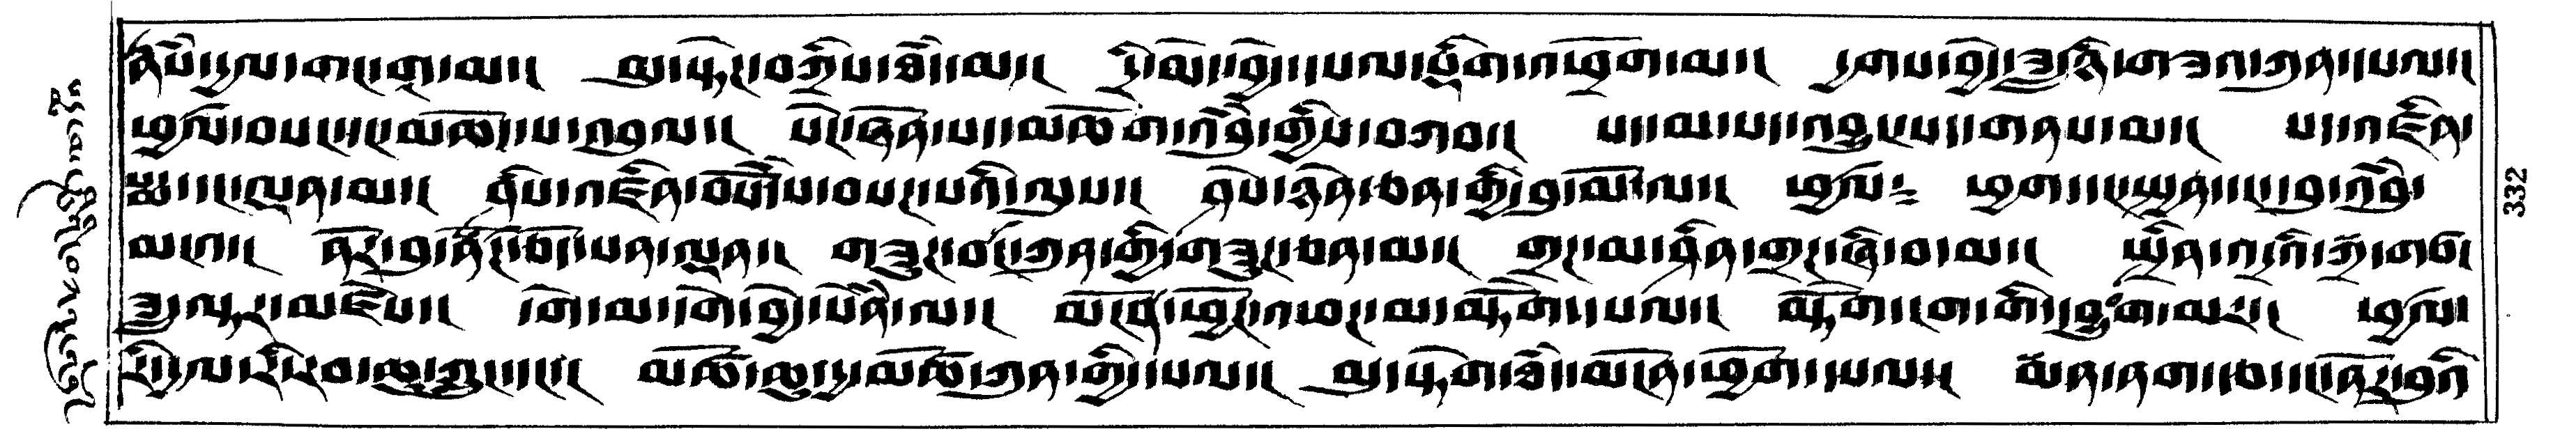རྣམ་རྒྱལ་གང་གཱ་མ། མུ་སྟེགས་བཀྲ་ཤིས་ཐམས་ཅད་མ། །དྲི་མེད་བྱེད་དཔལ་སྡིག་འཕྲོག་མ། །རྒྱགས་བྱེད་ཟླ་ཉི་གཟའ་ཀུན་དཔལ། །
ཕྱག་འཚལ་བསང་དང་མཆོད་པ་འབུལ། །སེང་བཞོན་པད་མཆོག་འབུམ་གྱིས་བཀབ། །པད་མ་པད་འབྱུང་པད་གནས་མ། །པད་འཛིན་
པདྨ་དང་ལྡན་མ། །ཤིས་འཛིན་བསོད་ནམས་བསགས་པའི་ལུས། །ཤེས་ཉན་ཅན་གྱི་བུ་མོ་ལ། །ཕྱག་འཚལ་༴ ཕྱག་དང་སྤྱན་དང་དབུ་འབུམ་
མངའ། །ནོར་བུ་སྣ་ཚོགས་ཅོད་པན་ལྡན། །གཟུགས་བཟང་ཀུན་ཀྱི་གཟུགས་ཅན་མ། །གྲགས་མ་ཤིན་གྲགས་ཞི་བ་མ། །སྲིན་འདྲའི་སྐྲ་གཙང་
ཟླ་ལྟར་མཛེས། དགེ་མ་དགེ་བྱེད་སེམས་ཅན་ལ། །མངོན་ཕྱོགས་འཕགས་མ་མེ་ཏོག་དཔལ། །མེ་ཏོག་ངག་གི་དབང་ཕྱུག་མར། །ཕྱག་འཚལ༴ 
རི་རྒྱལ་རི་རབ་ཆུ་ཀླུང་དང་། །མཚོ་ཆུ་རྒྱ་མཚོ་ཀུན་གྱི་དཔལ། །མུ་སྟེགས་ཐམས་ཅད་མངོན་ཕྱོགས་དཔལ། །སྨན་ནག་རྩ་དང་ནོར་བུའི་